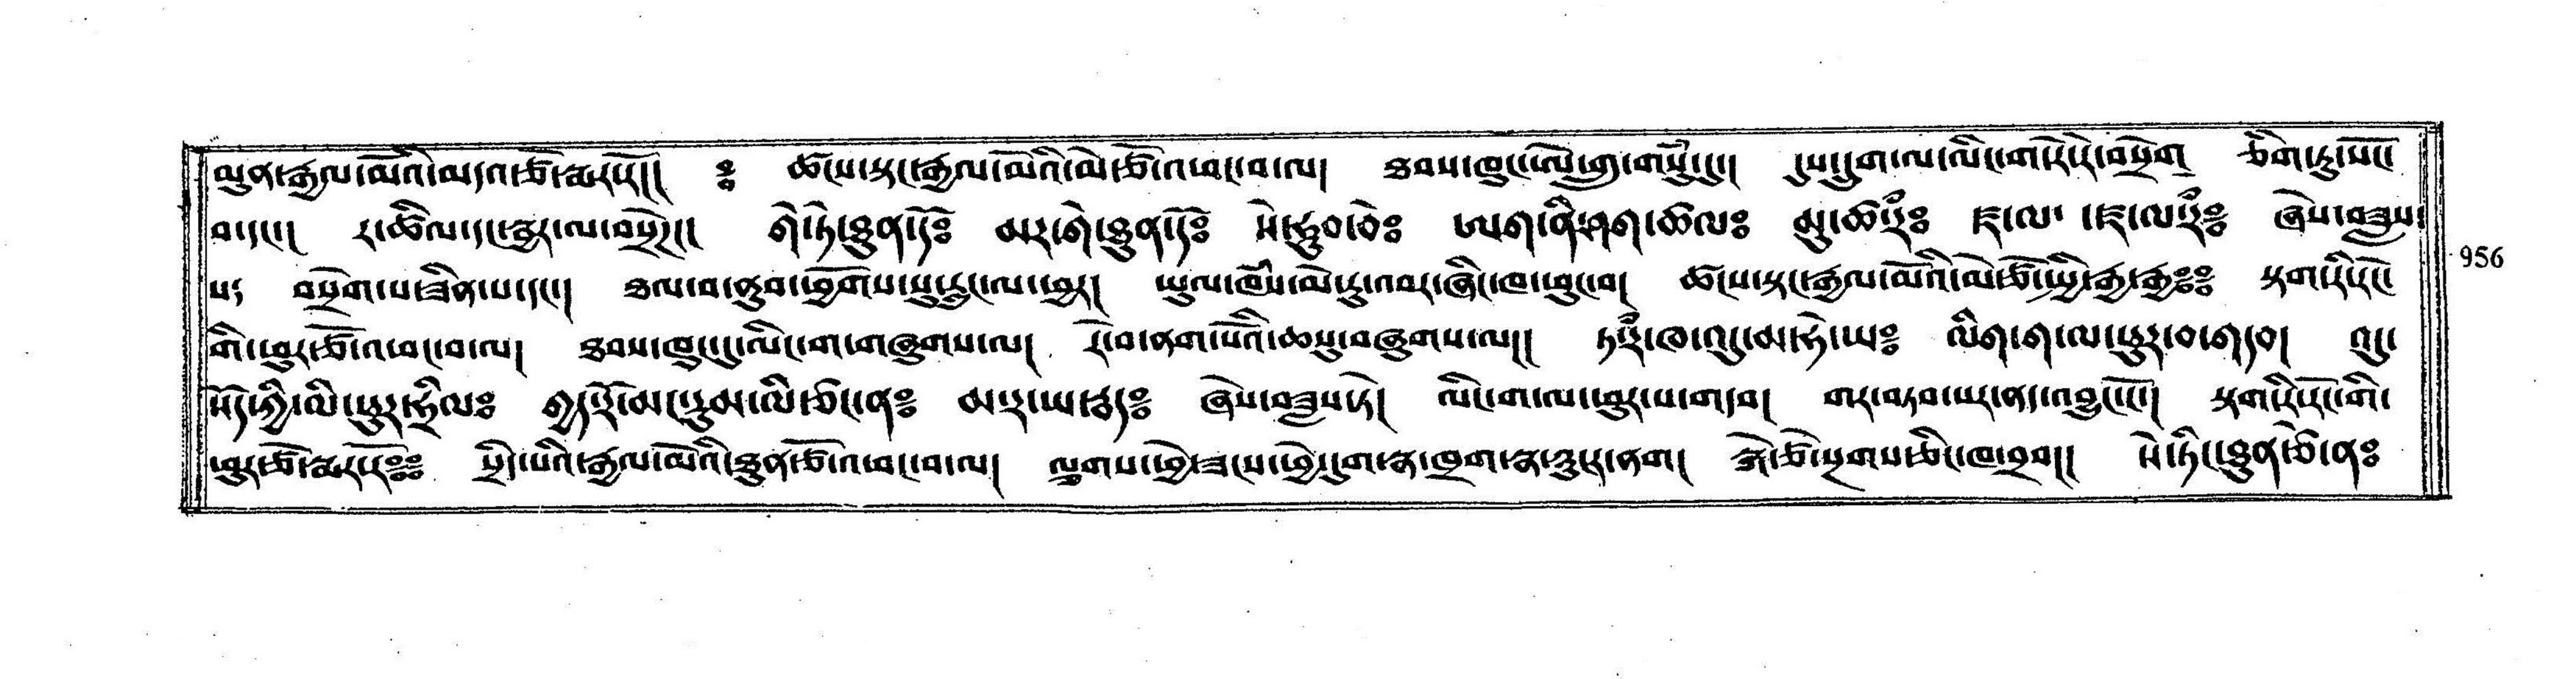མུན་རྒྱལ་མོའི་མདའ་ཙོ་སྨར་རོ།། ༔ ཚངས་སྟང་རྒྱལ་མོའི་མེ་ཙོ་འཕང་བ་ལ། ཐབས་ཁུང་ཨེ་གྲུ་གསུམ་དུ། དུས་དྲུག་ལ་ལིང་ག་རེ་རེ་བསྲེག ཅིག་ཏུ་སོང་
བ་དང་། ར་ཚིལ་དང་སྦྱར་ལ་བསྲེགས།། གེ་ཏེ་ཐུན་དོཿ མར་གེ་ཐུན་དོཿ སེ་ཧྲུབ་བེཿ ཨག་ནི་ཤག་ཚལཿ མུ་ཚ་རཾཿ ཛ་ལ་ཛ་ལ་རཾ༔ ཞེས་བཟླས་
པ། བསྲེག་པ་ཟིན་པ་དང་། ཐལ་བ་ནུབ་ཕྱོགས་སུ་རླུང་ལ་ཕྱར། ཡུལ་ཁམས་མེ་རུ་འབར་ཞིང་ཁ་ཕུང་བ། ཚངས་སྟང་རྒྱལ་མོའི་མེ་ཙོ་སྤྱི་རྒྱ་རྒྱ༔༔ སྟག་རི་རོང་
གི་ཕུར་ཙོ་འཕང་བ་ལ། ཐབས་ཁུང་དུ་ལིང་ག་གཞུགས་ལ། རེ་བ་ནག་པོའི་ཆས་སུ་བཞུགས་ལ།། ཏ་རཾ་ཁ་འདུ་མ་ཧེ་ཡ༔ ལིང་ག་ལ་ཕུར་པ་གདབ། འདུ་
སོད་ཀྱི་ལི་ཕུར་ཧྲིལཿ གྱད་རོ་མང་རུམ་ལི་ཙང་ན༔ མ་ར་ཡ་རྦད༔ ཞེས་བཟླས་ཏེ། ལིང་ག་ལ་ཕུར་པ་གདབ། གར་བཏབ་པར་ནད་འབྱུང་ངོ་། སྟག་རི་རོང་གི་
ཕུར་ཙོ་སྨར་རོ༔༔ སྲིད་པའི་རྒྱལ་མོའི་ཐུན་ཙོ་འཕང་བ་ལ། ལྕགས་ཕྱེ་ཟངས་ཕྱེ་དུག་སྣ་ཁྲག་སྣ་ཉུང་དཀར་ནག སྐེ་ཙེ་སྔགས་ཅིང་ཁ་བྲབ།། སེ་ཏིང་ཐུན་ཙེ་ནཿ